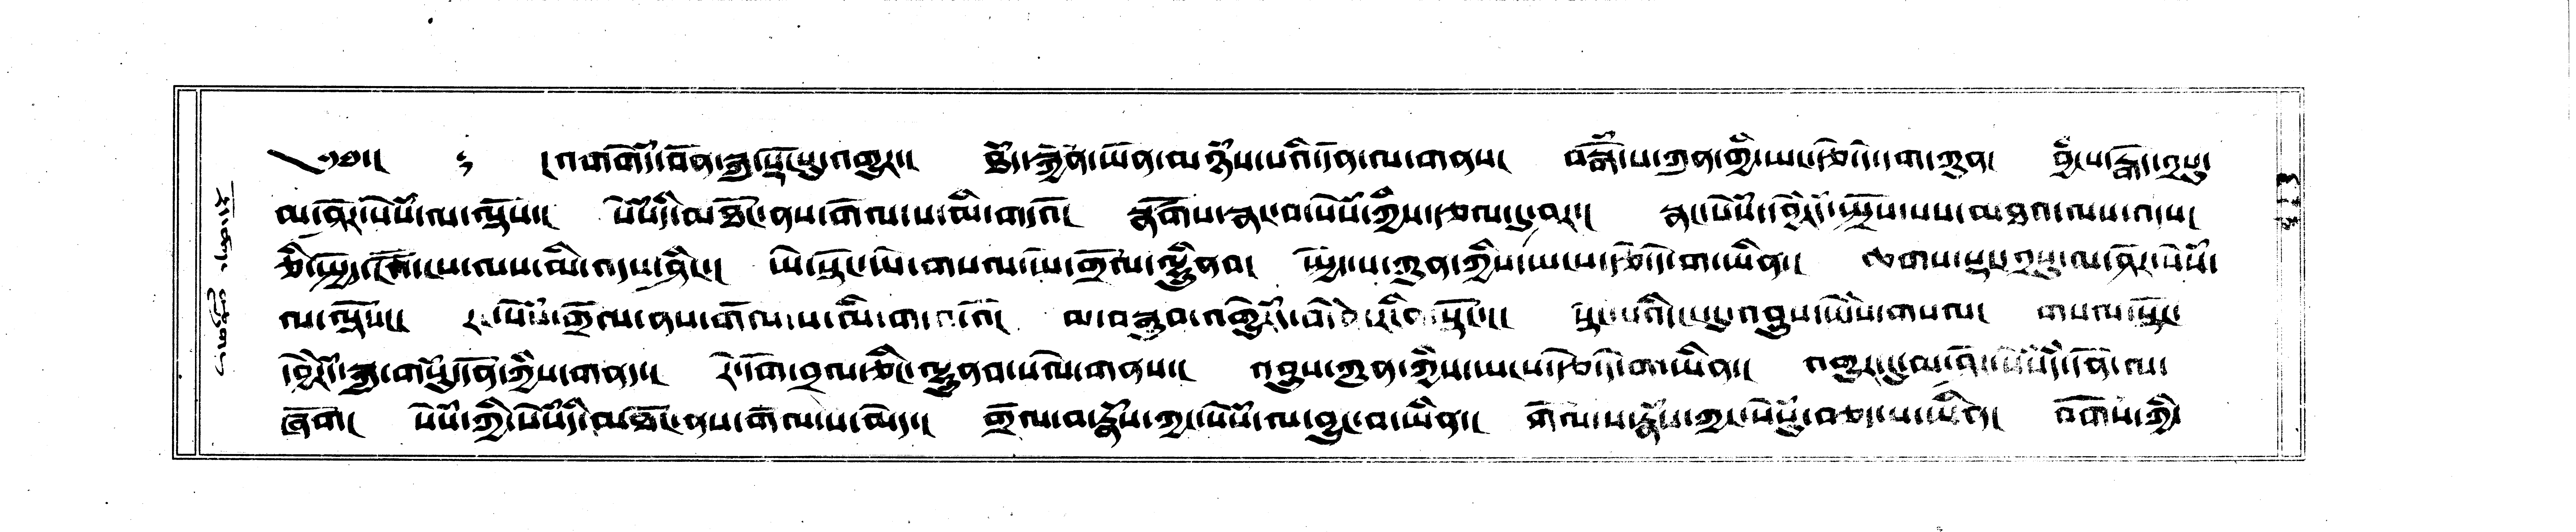གྷག་(འགག)མེད་བོན་སྐུའི་སྡོངས་སུ་གྱུར། ཐམས་ཅད་སྐྱོན་ཡོན་མཉམ་པའི་དོན་ལ་གནས། སྒོམ་པ་ཀུན་གྱིས་ཡང་རྩེ་དེ་ཀ་ཡིན། བྱིང་རྒོད་གཉིས་སུ་
མ་ཤོར་སེམས་ལ་ལྟོས། སེམས་ཉིད་མཐོང་ན་གོལ་ས་མི་གདའ་འོ། སྣ་ཚོགས་སྣང་བ་སེམས་ཀྱི་རྩལ་དུ་ཤར། སྣང་སེམས་དབྱེར་མེད་སྤྲོས་པའི་མཐའ་ལས་འདས། 
ཅི་སྤྱོད་ཁོ་བོའི་ངང་ལ་མ་འདའ་ཞིང་། ཡེ་སྟོང་ཡེ་གསལ་ཡེ་གྲོལ་ལྷུན་གྱིས་གྲུབ། སྤྱོད་པ་ཀུན་གྱིས་ཡང་རྩེ་དེ་ཀ་ཡིན། ཆགས་སྡང་གཉིས་སུ་མ་ཤོར་སེམས་
ལ་ལྟོས། རང་སར་གྲོལ་ན་གོལ་ས་མིི་གདའ་འོ། མ་བསྒྲུབ་འགྱུར་མེད་བདེ་ཆེན་རང་བཞིན་སྟོང་། སྟོང་པའི་ངང་དུ་འབྲས་བུ་ཡེ་ཤེས་གསལ། གསལ་སྟོང་
དབྱེར་མེད་སྐུ་གསུམ་དོན་གྱིས་གནད། རེ་དོག་བྲལ་ཅིང་ལྷུན་གྲུབ་སལེ་གནས། འབྲས་བུ་ཀུན་གྱིས་ཡང་རྩེ་དེ་ཀ་ཡིན། འགྱུར་དུ་མ་ཤོར་སེམས་ཉིད་དོན་ལ་
ཞོག སེམས་ཀྱིས་སེམས་ཉིད་མཐོང་ན་གོལ་ས་མེད། གྲོལ་བ་རྣམས་ཀྱང་སེམས་ལ་བྱུང་བ་ཡིན། གྲོལ་བ་རྣམས་ཀྱང་སེམས་སུ་བཅད་པ་ཡིན། བོགས་ཀྱི་